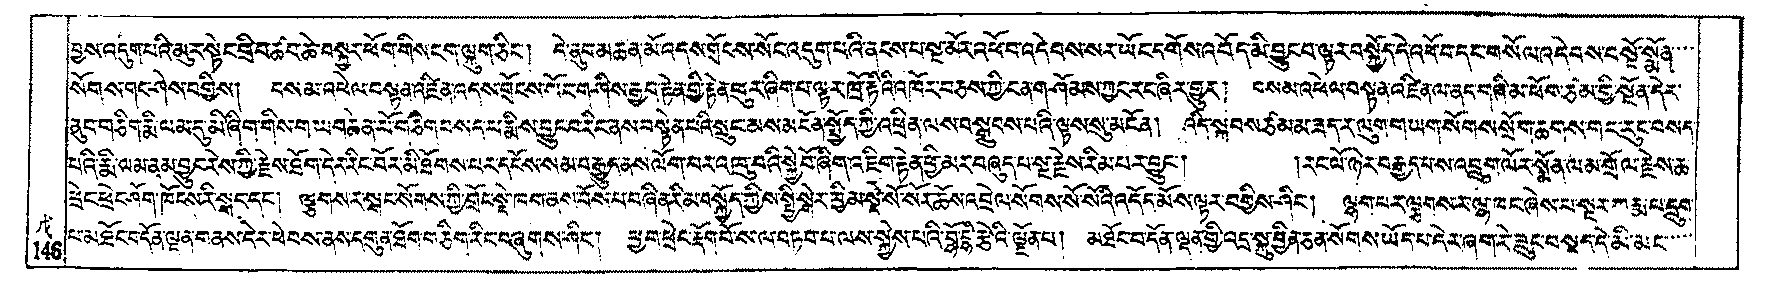བྱས་འདུག་པའི་མུར་སྟེང་གྲིབ་ཚབ་ཆེ་བསྐྱར་ཕོག་གིས་ངག་ལྐུག་ཅིང་། དེ་ནུབ་མཚན་མོ་འདས་གྲོངས་སོང་འདུག་པའི་ནངས་པ་སྔ་མོར་འཕོ་བ་འདེབས་སར་ཡོང་དགོས་འབོད་མི་བྱུང་བ་ལྟར་བསྐྱོད་དེ་འཕོ་བ་དང་གསོལ་འདེབས་བསྔོ་སྨོན་
སོགས་གང་ཤེས་བགྱིས། བསམ་འཕེལ་བསྟན་འཛིན་འདས་གྲོངས་སོང་གཤིས་རྒྱབ་རྟེན་གྱི་རྟེན་ཕུར་ཞིག་པ་ལྟར་ཁྲོ་རྟིའི་འཁོར་བཅས་ཀྱི་ངན་གཤོམས་ཀྱང་རང་ཞིར་གྱུར། བསམ་འཕེལ་བསྟན་འཛིན་ལ་ནད་གཞི་མ་ཕོག་ཙམ་གྱི་སྔོན་དེར་
ནུབ་གཅིག་རྨི་ལམ་དུ་མི་ཞིག་གིས་གཡག་ཆེན་པོ་གཅིག་བསད་པ་རྨིས་བྱུང་བ་རིང་ནས་བསྟེན་པའི་སྲུང་མས་མངོན་སྤྱོད་ཀྱི་འཕྲིན་ལས་བསྒྲུབས་པའི་ལྟས་སུ་མངོན། འདི་སྐབས་ཙམ་མ་ཟད་ར་ལུག་གཡག་སོགས་སྲོག་ཆགས་གང་རུང་བསད་
པའི་རྨི་ལམ་ནམ་བྱུང་རེས་ཀྱི་རྗེས་ཐོག་དེར་རིང་བོར་མི་ཐོགས་པར་དངོས་སམ་བརྒྱུད་ནས་ལོག་པར་འཁུ་བའི་སྐྱེ་བོ་ཞིག་འཇིག་རྟེན་ཕྱི་མར་བཞུད་པ་སྔ་རྗེས་རིམ་པར་བྱུང་། །རང་ལོ་ཉེར་བརྒྱད་པ་ས་འབྲུག་ལོར་སྨོན་ལམ་གྲོལ་རྗེས་ཆ་
ཕྲེང་ཕྲེང་ཤོག་ཁོངས་རི་སྒང་དང་། ལྕགས་ར་སྒང་སོགས་ཀྱི་གྲོང་སྡེ་ཁག་ནས་བོས་པ་བཞིན་རིམ་བསྐྱོད་ཀྱིས་སྤྱི་སྒེར་ཁྱིམ་སྡེ་སོ་སོར་ཆོས་འབྲེལ་སོགས་སོ་སོའི་འདོད་མོས་ལྟར་བགྱིས་ཤིང་། ལྷག་པར་ལྕགས་ར་ལྷ་ཁང་ཞེས་པ་སྔར་ཀརྨ་པ་དྲུག་
པ་མཐོང་བ་དོན་ལྡན་གནས་དེར་ཕེབས་ནས་དགུན་ཐོག་གཅིག་རིང་བཞུགས་ཤིང་། ཕྱག་ཕྲེང་རྡོག་པོ་ས་ལ་བཏབ་པ་ལས་སྐྱེས་པའི་བྷོ་དྷི་རྩེའི་ལྗོན་པ། མཐོང་བ་དོན་ལྡན་གྱི་འདྲ་སྐུ་བྱིན་ཅན་སོགས་ཡོད་པ་དེར་ཞག་རེ་ཟུང་བསྡད་དེ་མི་མང་